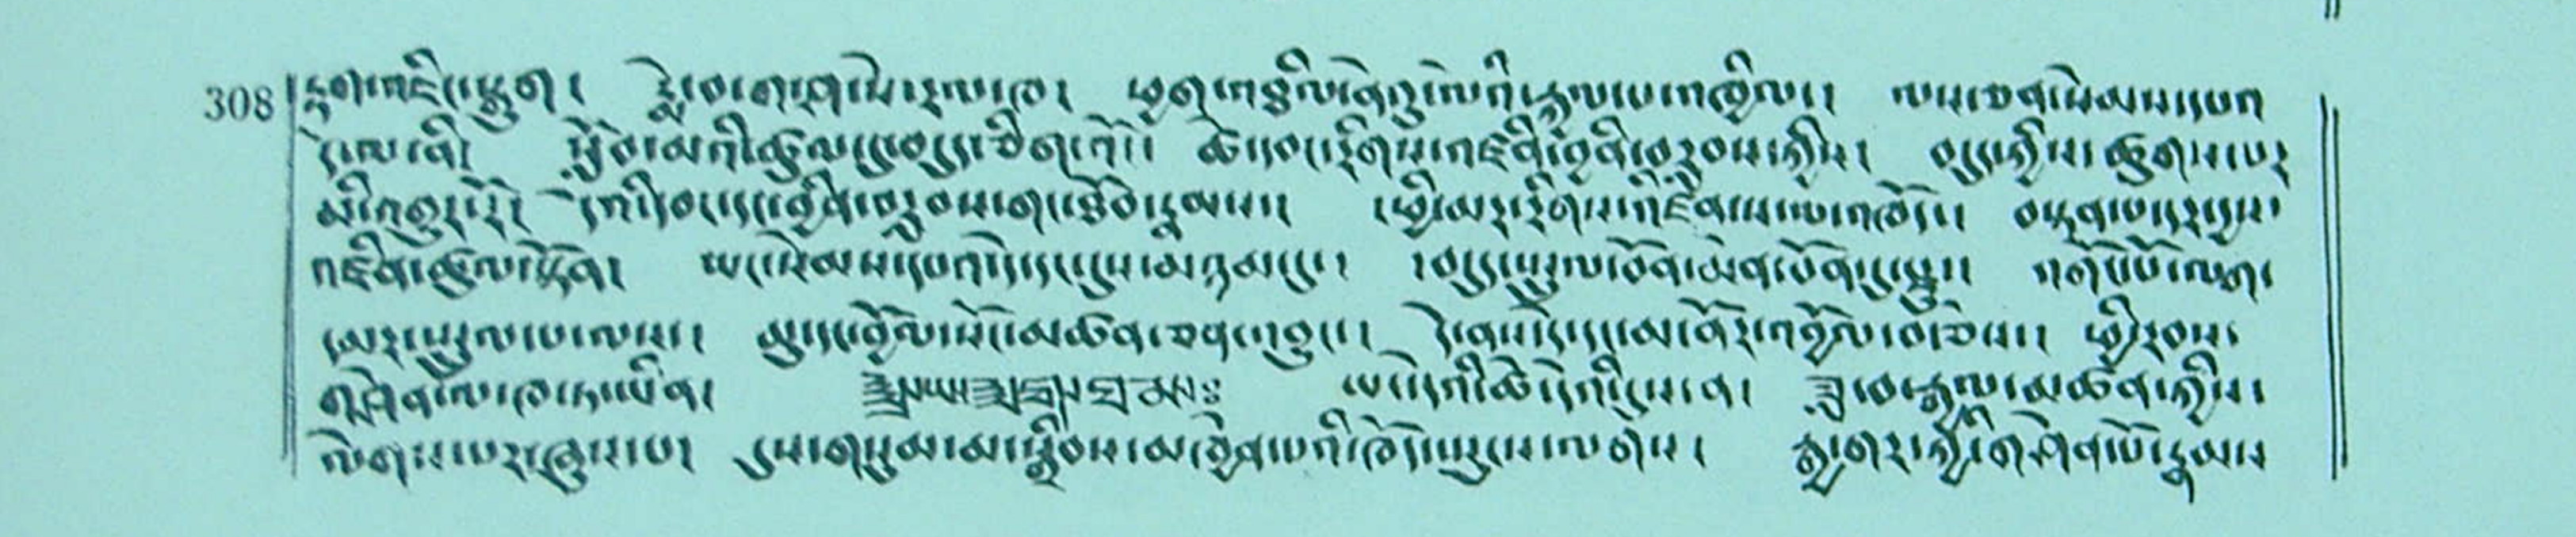རྟག་འཇིང་སྒུག རྨེ་བ་ག་ཤ་སེ་ར་ཁ། ཕྱག་འཐིལ་ནེའུ་ལེའི་རྐྱལ་བ་འཁྱིལ། ལས་ཅན་སེམས་དཔའ་
དེ་་ལ།་ནི སློབ་མའི་ཚུལ་དུ་བདུད་ཅིག་འོང་། ཚེ་དབང་རིགས་འཛིན་བྱིན་རླབས་ཀྱིས། བདུད་ཀྱིས་ཚུགས་པར་
མི་འགྱུར་རོ། །དེའི་དབང་དང་བྱིན་རླབས་གང་ཐོབ་རྣམས། ཕྱི་མར་རིགས་འཛིན་ས་ལ་འཁོད། བསྟན་པ་དར་རྒྱས་
འཛིན་ཚུལ་སྟོན། ཡང་སེམས་དཔའ་དེ་དང་དུས་མཉམ་དུ། བདུད་སྤྲུལ་བོན་མིན་བོན་དུ་བརྫུ། འགོང་བོ་ལག་
དམར་སྤྲུལ་པ་ལས། མུ་དང་བྱོལ་སོང་མཚན་ཅན་འབྱུང་། དེ་ནས་དེ་དང་མ་ནོར་འབྱོལ་བ་གཅེས། ཕྱི་རབས་
གཤེན་ལ་ཁ་ཏ་ཡིན། ཡང་དེའི་ཚེ་དེའི་དུས་ན། ཟླ་བ་རྒྱལ་མཚན་གྱིས་
ལེགས་པར་ཞུས་པ། དུས་གསུམ་མ་སྒྲིབས་མཁྱེན་པའི་ཁོད་སྤུངས་ལགས། རྒྱ་གར་གཤེན་པོ་རྣམས་